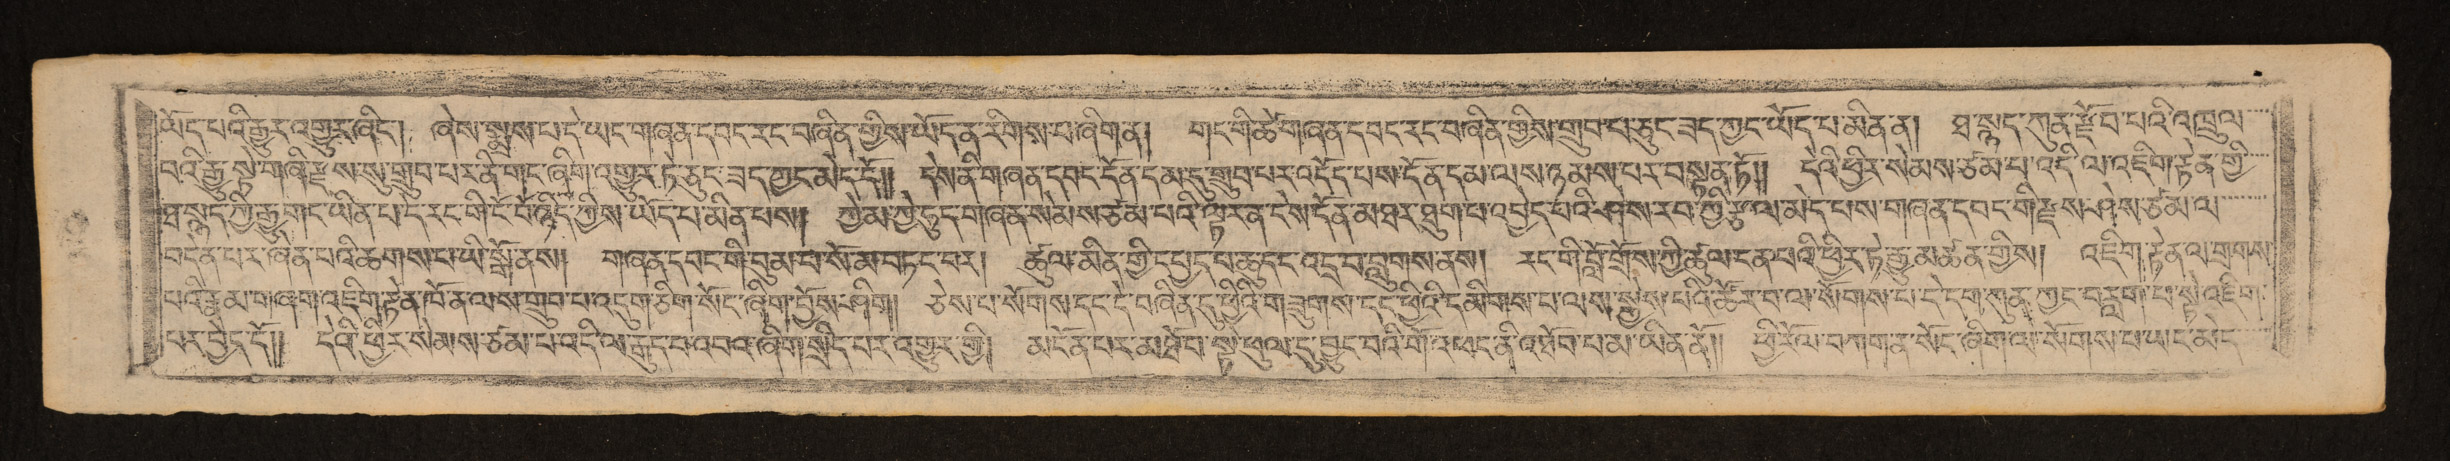ཡོད་པའི་རྒྱུར་འགྱུར་ཞིང་། ཞེས་སྨྲས་པ་དེ་ཡང་གཞན་དབང་རང་བཞིན་གྱིས་ཡོད་ན་རིགས་པ་ཞིག་ན། གང་གི་ཚེ་གཞན་དབང་རང་བཞིན་གྱིས་གྲུབ་པ་ཅུང་ཟད་ཀྱང་ཡོད་པ་མིན་ན། ཐ་སྙད་ཀུན་རྫོབ་པའི་འཁྲུལ་
བའི་རྒྱུ་སྟེ་གཞི་རྫས་སུ་གྲུབ་པར་ནི་གང་ཞིག་འགྱུར་ཏེ་ཅུང་ཟད་ཀྱང་མེད་དོ།། དེས་ནི་གཞན་དབང་དོན་དམ་དུ་གྲུབ་པར་འདོད་པས་དོན་དམ་ལས་ཉམས་པར་བསྟན་ཏོ།། དེའི་ཕྱིར་སེམས་ཙམ་པ་འདི་ལ་འཇིག་རྟེན་གྱི་
ཐ་སྙད་ཀྱི་རྒྱུ་གང་ཡིན་པ་དེ་རང་གི་ངོ་བོ་ཉིད་ཀྱིས་ཡོད་པ་མིན་པས། ཀྱེ་མ་ཀྱེ་ཧུད་གཞན་སེམས་ཙམ་པའི་ལྟར་ན་ངེས་དོན་མཐར་ཐུག་པ་འབྱེད་པའི་ཤེས་རབ་ཀྱི་རྩལ་མེད་པས་གཞན་དབང་གི་རྫས་ཤེས་ཙམ་ལ་
བདེན་པར་ཞེན་པའི་ཆགས་པ་ཡི་སྒོ་ནས། གཞན་དབང་གི་བུམ་པ་སོ་མ་བཏང་བར། ཚུལ་མིན་གྱི་དཔྱད་པ་ཆུ་དང་འདྲ་བ་བླུགས་ནས། རང་གི་བློ་གྲོས་ཀྱི་ཚུལ་ངན་པའི་ཕྱིར་ཏེ་རྒྱུ་མཚན་གྱིས། འཇིག་རྟེན་ལ་གྲགས་
པའི་རྣམ་གཞག་འཇིག་རྟེན་ཁོ་ན་ལས་གྲུབ་པ་འདུག་ཅིག་སོང་ཞིག་བྱོས་ཤིག། ཅེས་པ་སོགས་དང་དེ་བཞིན་དུ་ཕྱིའི་གཟུགས་དང་ཕྱིའི་དམིགས་པ་ལས་སྐྱེས་པའི་ཚོར་བ་ལ་སོགས་པ་དེ་དག་ཀུན་ཀྱང་བརླག་པ་སྟེ་འཇིག་
པར་བྱེད་དོ།། དེའི་ཕྱིར་སེམས་ཙམ་པ་འདི་ལ་རྒུད་པ་འབའ་ཞིག་སྲིད་པར་འགྱུར་གྱི། མངོན་པར་མཐོ་བ་སྟེ་ཕུལ་དུ་བྱུང་བའི་གོ་འཕང་ནི་འཐོབ་པ་མ་ཡིན་ནོ།། ཕྱི་རོལ་བཀག་ན་སོང་ཞིག་ལ་སོགས་པ་ཡང་མེད་